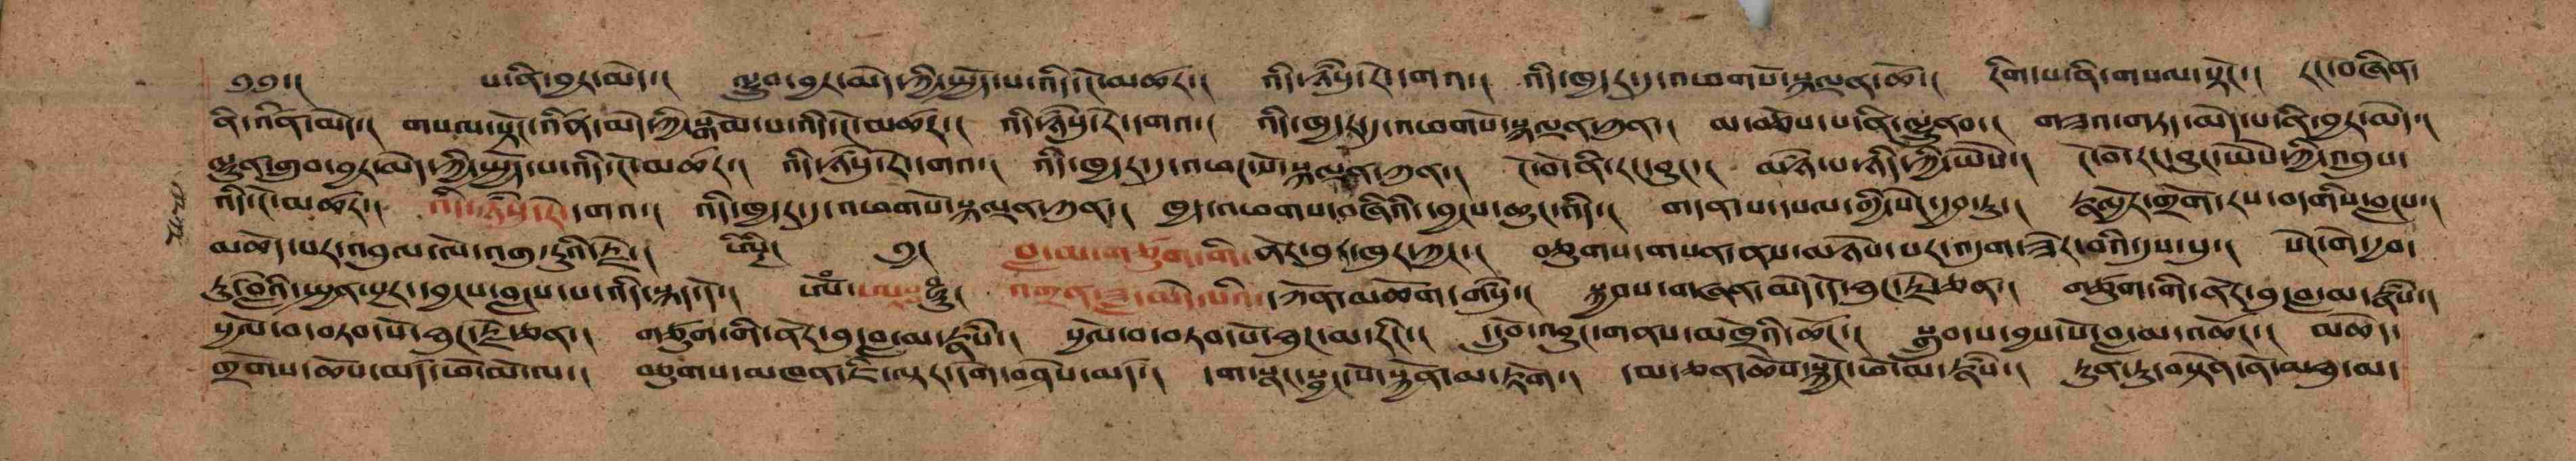པ་ནི་བྱར་མེད།། ལྷུན་གྲུབ་བྱར་མེད་ཀྱི་སྤྱོད་པ་འདི་ངོ་མཚར།། འདི་ཉམས་སུ་རེ་དགའ།། འདི་ཁྱད་པར་འཕགས་སོ་སྐལ་ལྡན་ཚོ།། རིག་པ་ནི་གསལ་སྟོང་།། རང་བཞིན་
ནི་འཛིན་མེད།། གསལ་སྟོང་འཛིན་མེད་ཀྱི་སྒོམ་པ་འདི་ངོ་མཚར།། འདི་ཉམས་སུ་རེ་དགའ།། འདི་ཁྱད་པར་དུ་འཕགས་སོ་སྐལ་ལྡན་ཀུན།། མ་བཅོས་པ་ནི་ལྷུན་གྲུབ།། གཟའ་གཏད་མེད་པ་ནི་བྱར་མེད།། 
ལྷུན་གྲུབ་བྱར་མེད་ཀྱི་སྤྱོད་པ་ནི་ངོ་མཚར།། འདི་ཉམས་སུ་རེ་དགའ།། འདི་ཁྱད་པར་དུ་འཕགས་སོ་སྐལ་ལྡན་ཀུན།། ངོ་བོ་ནི་རང་བྱུང་།། མཉམ་པ་ཉིད་ཀྱི་ཡེ་ཤེས།། ངོ་བོ་རང་བྱུང་ཡེ་ཤེས་ཀྱི་འབྲས་བུ་
འདི་ངོ་མཚར།། འདི་ཉམས་རེ་དགའ།། འདི་ཁྱད་པར་འཕགས་སོ་སྐལ་ལྡན་ཀུན།། ཁྱད་འཕགས་བཞིའི་དབྱངས་ཆུང་འདི།། གདན་ས་དཔལ་གྱི་སེང་རྒྱབ་ཏུ།། རྣལ་འབྱོར་གྲོག་རས་བདག་གིས་བླངས།། 
མཆོད་པ་འབུལ་ལོ་འགུ་རུའི་རྗེ།། ཨི་ཊི།། ༄་། བླ་མ་གཙུག་གི་ནོར་བུར་ཁུར་ཀྱང་།། བཅུགས་གསན་ནས་མཉེས་པར་འདུག་ཟེར་བའི་དུས་སུ།། སེང་གེ་རྒྱབ་
ཏུ་བླ་མའི་སྤྱན་སྔར་དབྱངས་བླངས་པ་འདི་སྐད་དོ།། ཨོཾ་ཨཱཿཧཱུཾ། འགྲན་ཟླ་མེད་པའི་དཀོན་མཆོག་གསུམ།། སྐྱབས་གཞན་མེད་དོ་ཐུགས་རྗེ་ཅན།། གཙུག་གི་ནོར་བུ་བླ་མ་རྣམས།། 
གསོལ་བ་བཏབ་པོ་ཐུགས་རྗེ་ཅན།། གཙུག་གི་ནོར་བུ་བླ་མ་རྣམས།། གསོལ་བ་བཏབ་པོ་ཐུགས་མ་རིང་།། དངོས་གྲུབ་འབྱུང་གནས་མཁའ་འགྲོའི་ཚོགས།། སྒྲུབ་པ་བྱས་སོ་བླ་མ་འཆོང་།། མཆོད་
གྲོགས་ཆོས་མཛད་ཕོ་མོ་ལ།། བཅུགས་མཁན་ཇི་ལྟར་དགེ་བཤེས་མཛོད།། དག་སྣང་སྦྱང་སོ་སྐྱོན་མ་རྟོག། དམ་ཅན་ཆོས་སྐྱོང་ཕོ་མོ་རྣམས།། རྒྱུན་དུ་བསྟེན་ནོ་མཐུ་མ་